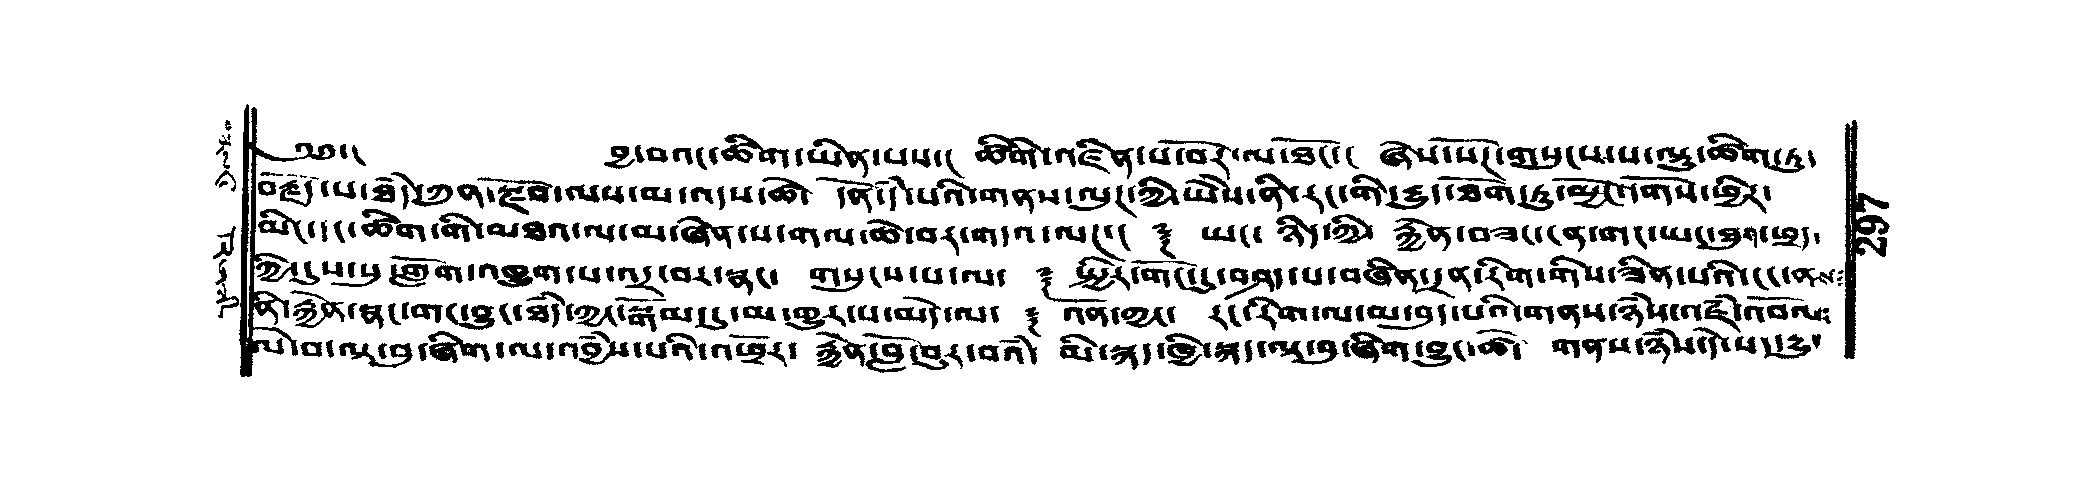བྱ་བའང་ཚིག་ཡིན་པས། །ཚིག་གི་འཛིན་པ་བོར་ལ་ཐོང་། ཞེས་སོགས་གསུངས་པ་ལྟ་བུ་ཚིག་ཏུ་
བརྗོད་པ་ཐམས་ཅད་ཀུན་རྫོབ་ལས་མ་འདས་ཚེ། དོན་དམ་པའི་གནས་ལུགས་ཀྱི་ཡེ་ཤེས་ནི་རང་གི་རྒྱུད་ཐོག་ཏུ་མྱོང་དགོས་ཕྱིར། 
མིང་དང་ཚིག་གི་མཐའ་ལ་མ་ཞེན་པ་གལ་ཆེ་བར་གདའ་ལགས།༈ ཡང་ཉིད་ཀྱི། རྐྱེན་བཟང་ངན་གང་ཡང་ཐུག་ཕྲད་
ཀྱི་དུས་སུ་གློག་འཁྱུག་པ་འདྲ་བར་སྣང་། གསུངས་པ་ལ། ༈ སྤྱིར་གོང་དུ་བཤད་པ་བཞིན་དྲན་རིག་གིས་ཟིན་པའི་ངང་ནས་
ནི་རྐྱེན་སྣང་གང་བྱུང་ཐམས་ཅད་ཀྱང་སྒོམ་དུ་མ་གྱུར་པ་མེད་ལ། ༈ འོན་ཀྱང་། རང་རིག་རྗེན་ལ་མ་བུད་པའི་གནས་ཉམས་འཇམ་འབོལ་
ལེ་བ་ལྟ་བུ་ཞིག་ལ་འབྱམས་པའི་འཕྲོར། རྐྱེན་བློ་བུར་བའམ། མི་སྐད་ཁྱི་སྐད་ལྟ་བུ་ཞིག་བྱུང་ཚེ། གནས་ཉམས་དེ་སད་རྒྱུ་